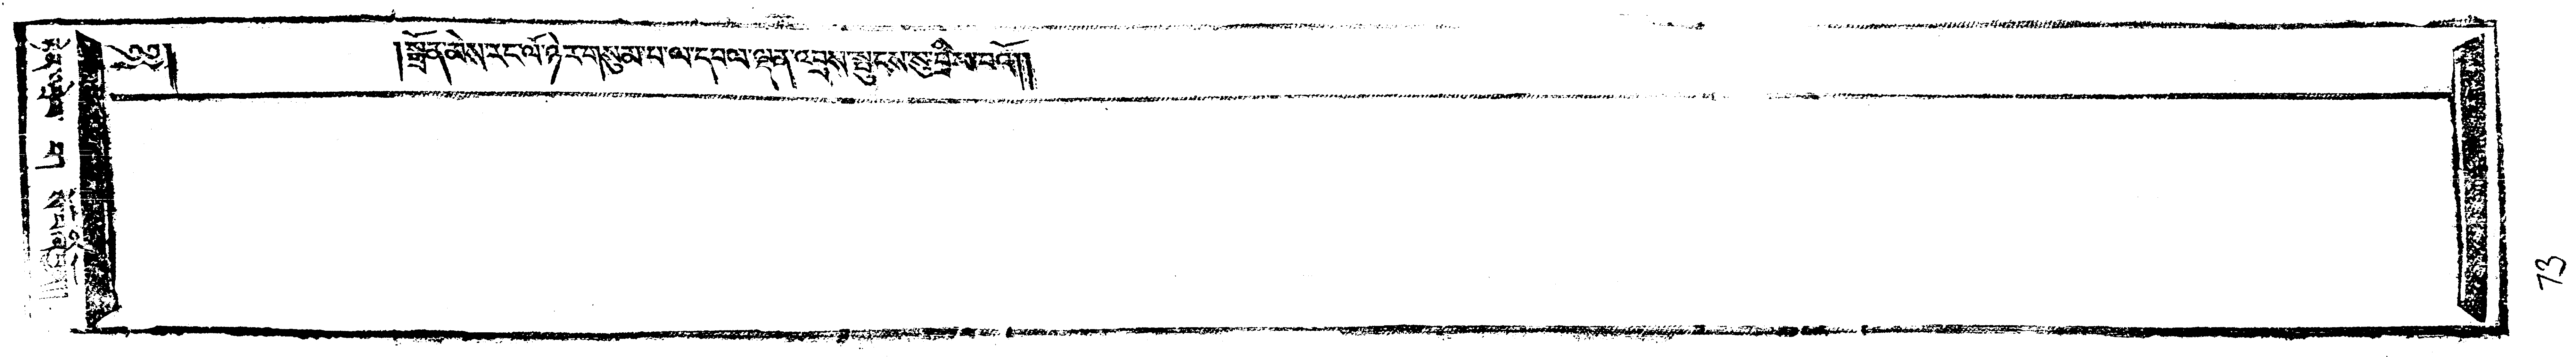༄༅། །སྒྲོན་མེས་རང་ལོ་ཉེར་གསུམ་པ་ལ་དཔལ་ལྡན་འབྲས་སྤུངས་སུ་བྲིས་བའོ།།